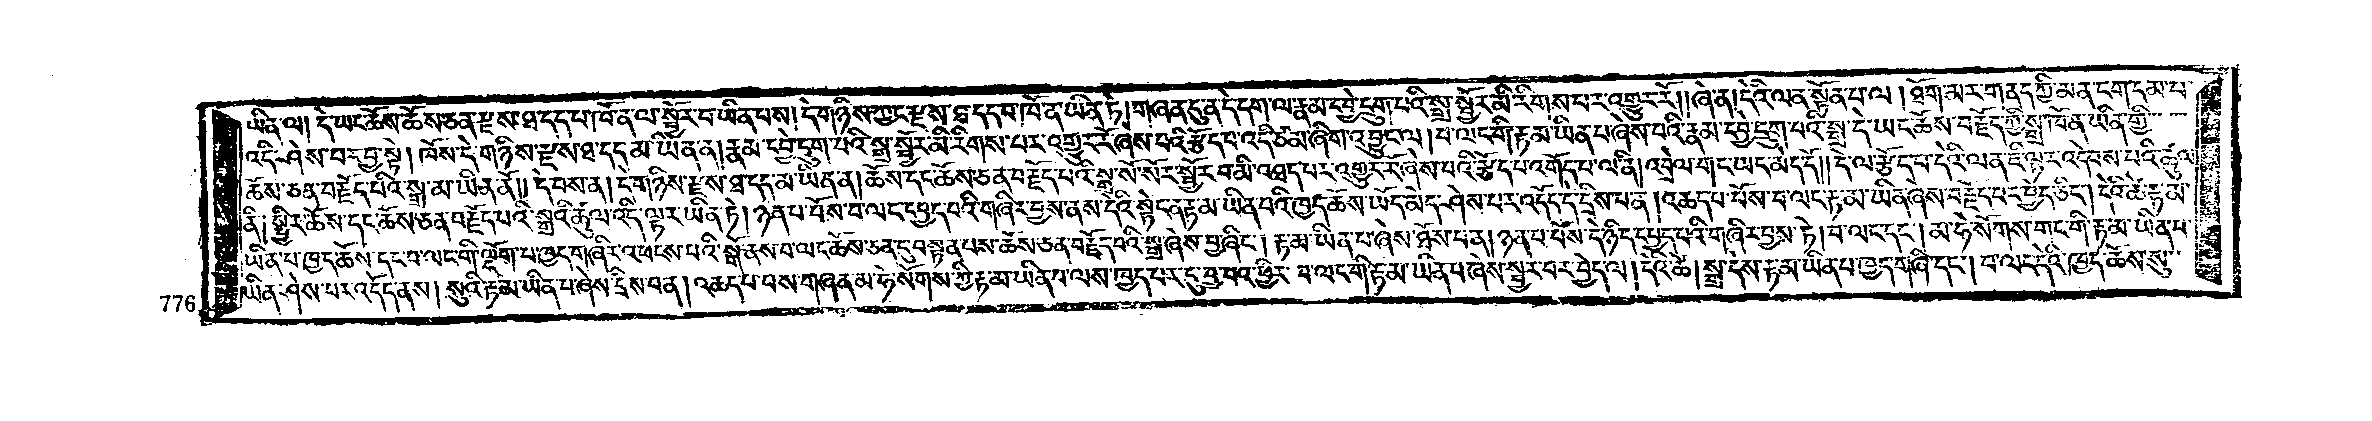ཡིན་ལ། དེ་ཡང་ཆོས་ཆོས་ཅན་རྫས་ཐ་དད་པ་ཁོ་ན་ལ་སྦྱོར་བ་ཡིན་པས། དེ་གཉིས་ཀྱང་རྫས་ཐ་དད་པ་ཁོ་ན་ཡིན་ཏེ། གཞན་དུ་ན་དེ་དག་ལ་རྣམ་དབྱེ་དྲུག་པའི་སྒྲ་སྦྱོར་མི་རིགས་པར་འགྱུར་རོ། །ཞེ་ན། དེའི་ལན་སྟོན་པ་ལ། ཐོག་མར་གནད་ཀྱི་མན་ངག་དམ་པ་
འདི་ཤེས་བར་བྱ་སྟེ། ཁོས་དེ་གཉིས་རྫས་ཐ་དད་མ་ཡིན་ན། རྣམ་དབྱེ་དྲུག་པའི་སགར་སྦྱོར་མི་རིགས་པར་འགྱུར་རོ་ཞེས་པའི་རྩོད་པ་འདི་ཙམ་ཞིག་འབྱུང་ལ། བ་ལང་གི་རྟ་མ་ཡིན་པ་ཞེས་པའི་རྣམ་དབྱེ་དྲུག་པའི་སགར་དེ་ཡང་ཆོས་བརྗོད་ཀྱི་སགར་ཁོ་ན་ཡིན་གྱི་
ཆྶོ་ཅན་བརྗོད་པའི་སྒྲ་མ་ཡིན་ནོ། །དེ་བས་ན། དེ་གཉིས་ཏྫས་ཐ་དད་མ་ཡིན་ན། ཆོས་དང་ཆོས་ཅན་བརྗོད་པའི་སྒྲ་སོ་སོར་སྦྱོར་བ་མི་འཐད་པར་འགྱུར་རོ་ཞེས་པའི་རྩོད་པ་འགོད་པ་ལ་ནི། འབྲེལ་གང་ཡང་མེད་དོ། །དེ་ལ་རྩོད་པ་དེའི་ལན་ཇི་ལྟར་འདེབས་པའི་ཚུལ་
ནི། སྤྱིར་ཆོས་དང་ཆོས་ཅན་བརྗོད་པའི་སྒྲའི་ཚུལ་འདི་ལཏར་ཡིན་ཏེ། ཉན་པོས་བ་ལང་དཔྱད་པའི་གཞིར་བྱས་ནས་དེའི་སྟེང་ན་རྟ་མ་ཡིན་པའི་ཁྱད་ཆོས་ཡོད་མེད་ཤེས་པར་འདོད་དེ་དྲིས་པ་ན། འཆད་པ་པོས་བ་ལང་རྟ་མ་ཡིན་ཞེས་བརྗོད་པར་བྱེད་ཅིང་། དེའི་ཚེ་རྟ་མ་
ཡིན་པ་ཁྱད་ཆོས་དང་བ་ལང་གི་ལྡོག་པ་ལྷྱད་གཞིར་འཕངས་པའི་སྒོ་ནས་བ་ལང་ཆོས་ཅན་དུ་བསྟན་པས་ཆོས་ཅན་བརྗོད་པའི་སྒྲ་ཞེས་བྱ་ཞིང་། རྟ་མ་ཡིན་པ་ཞེས་ཐོས་པ་ན། ཉན་པ་པོས་དེ་ཉིད་དཔྱད་པའི་གཞིར་བྱས་ཏེ། བ་ལང་དང་། མ་ཧེ་སོགས་གང་གི་རྟ་མ་ཡིན་པ་
ཡིན་ཤེས་པར་འདོད་ནས།སུའི་རྟ་མ་ཡིན་པ་ཞེས་དྲིས་བ་ན། འཆད་པ་པོས་གཞན་མ་ཧེ་སོགས་ཀྱི་རཏ་མ་ཡིན་པ་ལས་ཁྱད་པར་དུ་བྱ་བའི་ཕྱིར་བ་ལང་གི་རྟ་མ་ཡིན་པ་ཞེས་སྦྱར་བར་བྱེད་ལ། དེའི་ཚེ། སྒྲ་དེས་རྟ་མ་ཡིན་པ་ཁྱད་གཞི་དང་། བ་ལང་དེའི་ཁྱད་ཆོས་